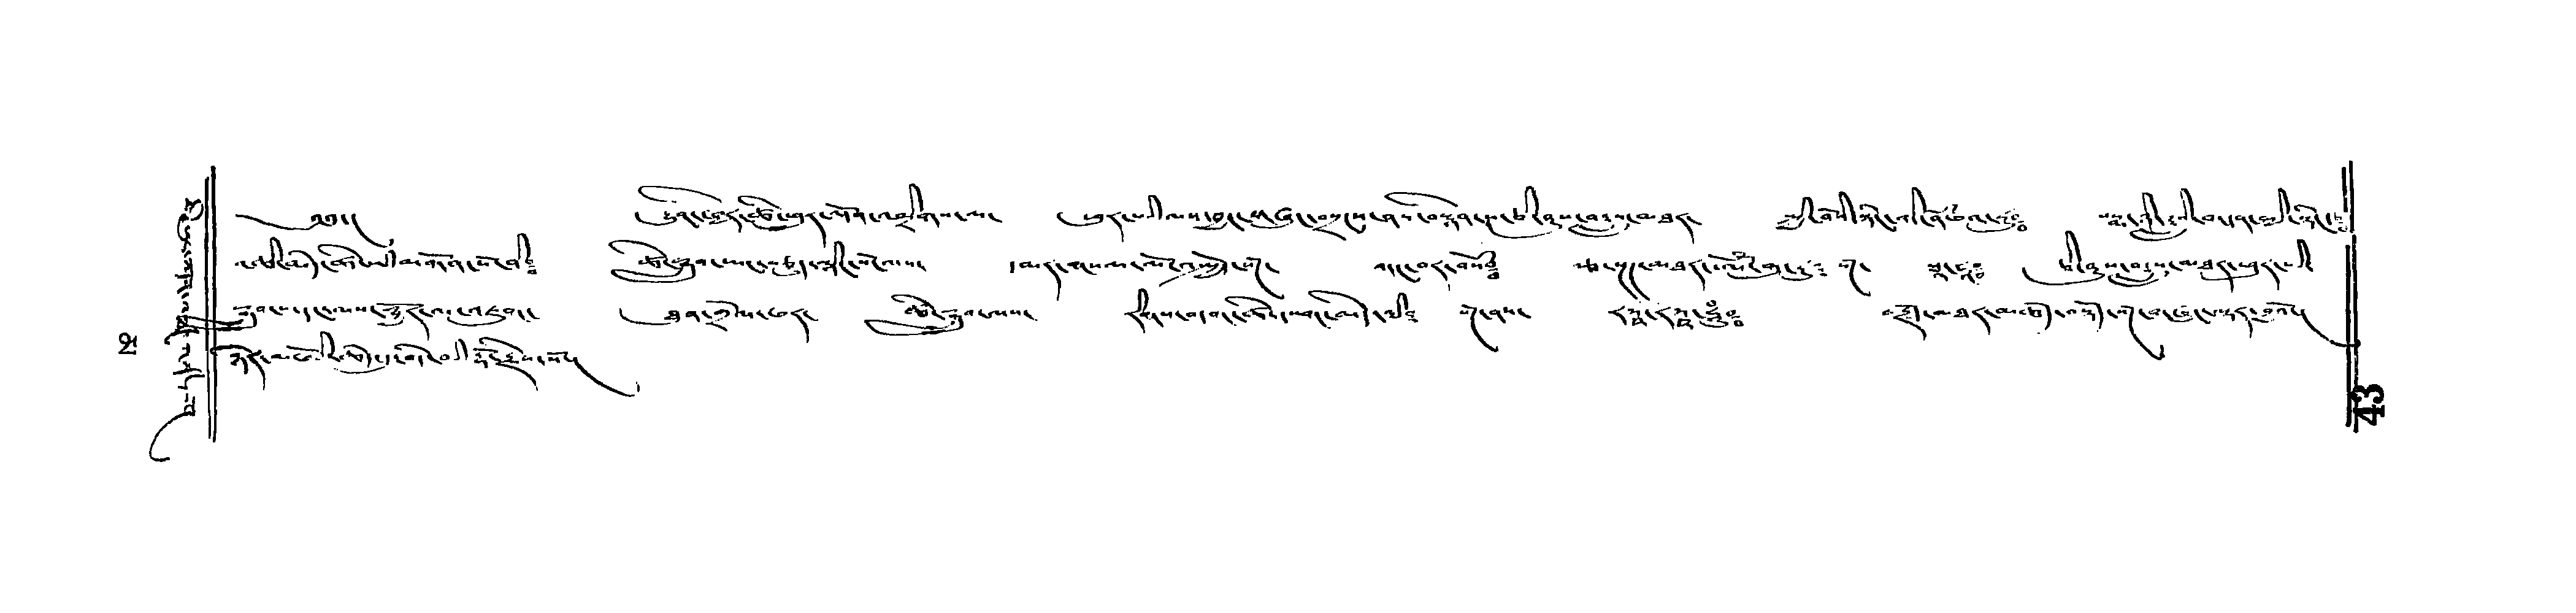རྒྱུན་ཁྱེར་ཚེ་ཕུར་འདོན་འགྲིགས་ལ། ཕུར་པའི་ལས་བྱང་གཞུང་བསྲངས་ནས་བསྙེན་པ་ཅི་ནུས་བཟླས་མཐར། སྤྱི་བོའི་སྟེང་གི་ནམ་མཁའ་རུ། །པདྨ་ཉི་ཟླའི་གདན་གྱི་སྟེང་། །
འཆི་མེད་ཚེ་ཡི་མགོན་པོ་ནི། ཚེ་སྒྲུབ་ཡང་བཅུད་སྙིང་པོ་ལས། དམར་གསལ་ལོངས་སྤྱོད་སོགས། གང་བར་བསམ། རྩ་སྔགས་མཐར། ཨོཾ་གུ་རུ་སོགས། སྭཱ་ཧཱཿ ཅི་ནུས་བཟླས་མཐར་ཕུར་པའི་
སྒྲུབ་པ་དང་ལས་སྦྱོར་ལ་འཇུག ཐུན་གྲོལ་ཁར། ཚེ་སྒྲུབ་ལས། རིགས་བདག་ཚེ་དཔག་མེད་ཀྱི་སོགས་ནས། རཀྵ་རཀྵ་ཧཱུྃ༔ བརྗོད་མཐར་མཆོད་བསྟོད་སོགས་གཞུང་ལྟར་བྱའོ། 
ཉེར་མཁོའི་ཆེད་དུ་བདེ་བའི་རྡོ་རྗེས་སོ།།